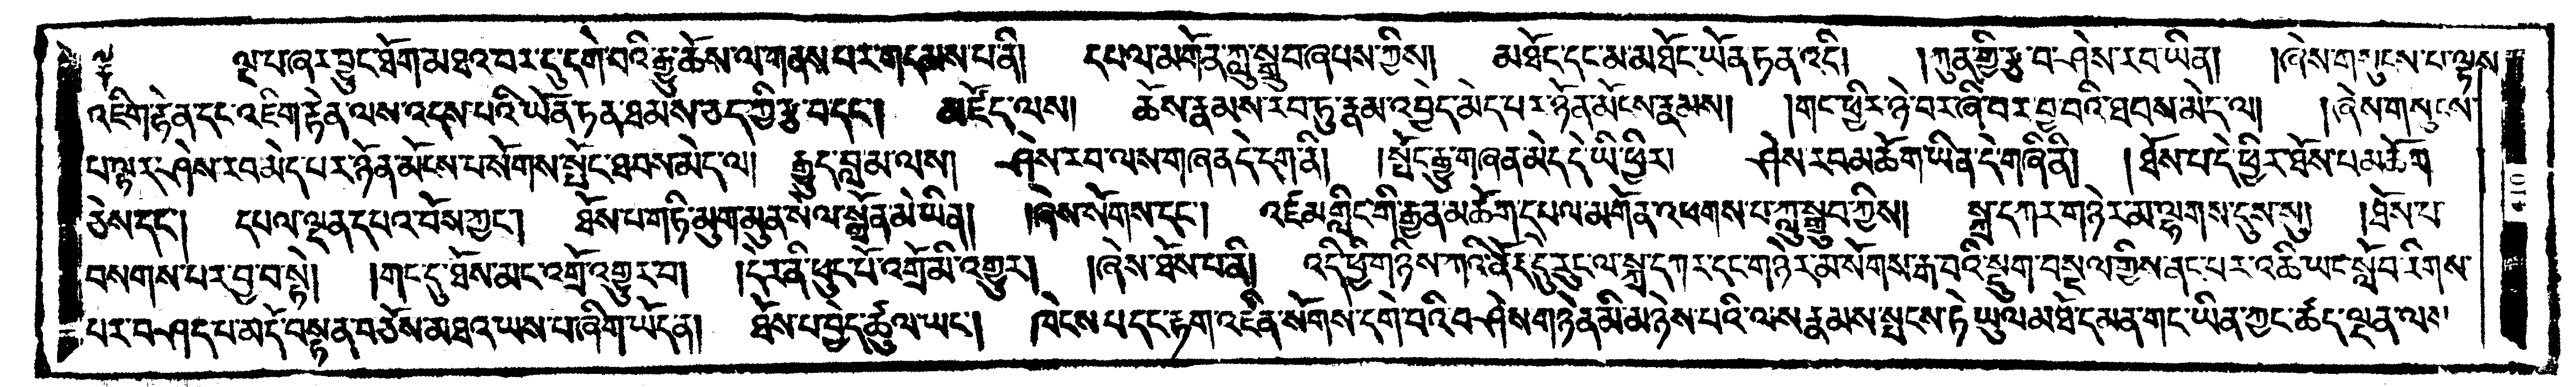༈ ལྔ་པ་ཞར་བྱུང་ཐོག་མཐའ་བར་དུ་དགེ་བའི་རྒྱུ་ཆོས་ལ་གནས་པར་གདམས་པ་ནི། དཔལ་མགོན་ཀླུ་སྒྲུབ་ཞབས་ཀྱིས། མཐོང་དང་མ་མཐོང་ཡོན་ཏན་འདི། །ཀུན་གྱི་རྩ་བ་ཤེས་རབ་ཡིན། །ཞེས་གསུངས་པ་ལྟས་
འཇིག་རྟེན་དང་འཇིག་རྟེན་ལས་འདས་པའི་ཡོན་ཏན་ཐམས་ཅད་ཀྱི་རྩ་བ་དང་། མཛོད་ལས། ཆོས་རྣམས་རབ་ཏུ་རྣམ་འབྱེད་མེད་པར་ཉོན་མོངས་རྣམས། །གང་ཕྱིར་ཉེ་བར་ཞི་བར་བྱ་བའི་ཐབས་མེད་ལ། །ཞེས་གསུངས་
པ་ལྟར་ཤེས་རབ་མེད་པར་ཉོན་མོངས་པ་སོགས་སྤོང་ཐབས་མེད་ལ། །རྒྱུད་བླ་མ་ལས། ཤེས་རབ་ལས་གཞན་དེ་དག་ནི། །སྤོང་རྒྱུ་གཞན་མེད་དེ་ཡི་ཕྱིར། ཤེས་རབ་མཆོག་ཡིན་དེ་གཞི་ནི། །ཐོས་པ་དེ་ཕྱིར་ཐོས་པ་མཆོག་
ཅེས་དང་། དཔལ་ལྡན་དཔའ་བོས་ཀྱང་། ཐོས་པ་གཏི་མུག་མུན་སེལ་སྒྲོན་མེ་ཡིན། །ཞེས་སོགས་དང་། འཛམ་གླིང་གི་རྒྱན་མཆོག་དཔལ་མགོན་འཕགས་པ་ཀླུ་སྒྲུབ་ཀྱིས། སྐྲ་དཀར་གཉེར་མ་ལྷགས་དུས་སུ། །ཐོས་པ་
བསགས་པར་བྱ་བ་སྟེ། །གང་ཐོས་མང་འགྲོ་འགྱུར་བ། །དེར་ནི་ཕུང་པོ་འགྲོ་མི་འགྱུར། །ཞེས་ཐོབ་པ་ནི། འདི་ཕྱི་གཉིས་ཀའི་ནོར་དུ་རུང་ལ་སྐྲ་དཀར་དང་གཉེར་མ་སོགས་རྒ་བའི་སྡུག་བསྔལ་གྱིས་ནང་པར་འཆི་ཡང་སློབ་རིགས་
པར་བཤད་པ་མདོ་བསྟན་བཅོས་མཐའ་ཡས་པ་ཞིག་ཡོད་ན། ཐོས་པ་བྱེད་ཚུལ་ཡང་། ཁེངས་པ་དང་རྟག་འཛིན་སོགས་དགེ་བའི་བཤེས་གཉེན་མི་མཉེས་པའི་ལས་རྣམས་སྤངས་ཏེ་ཡུལ་མཐོ་དམན་གང་ཡིན་ཀྱང་ཚད་ལྡན་ལས་